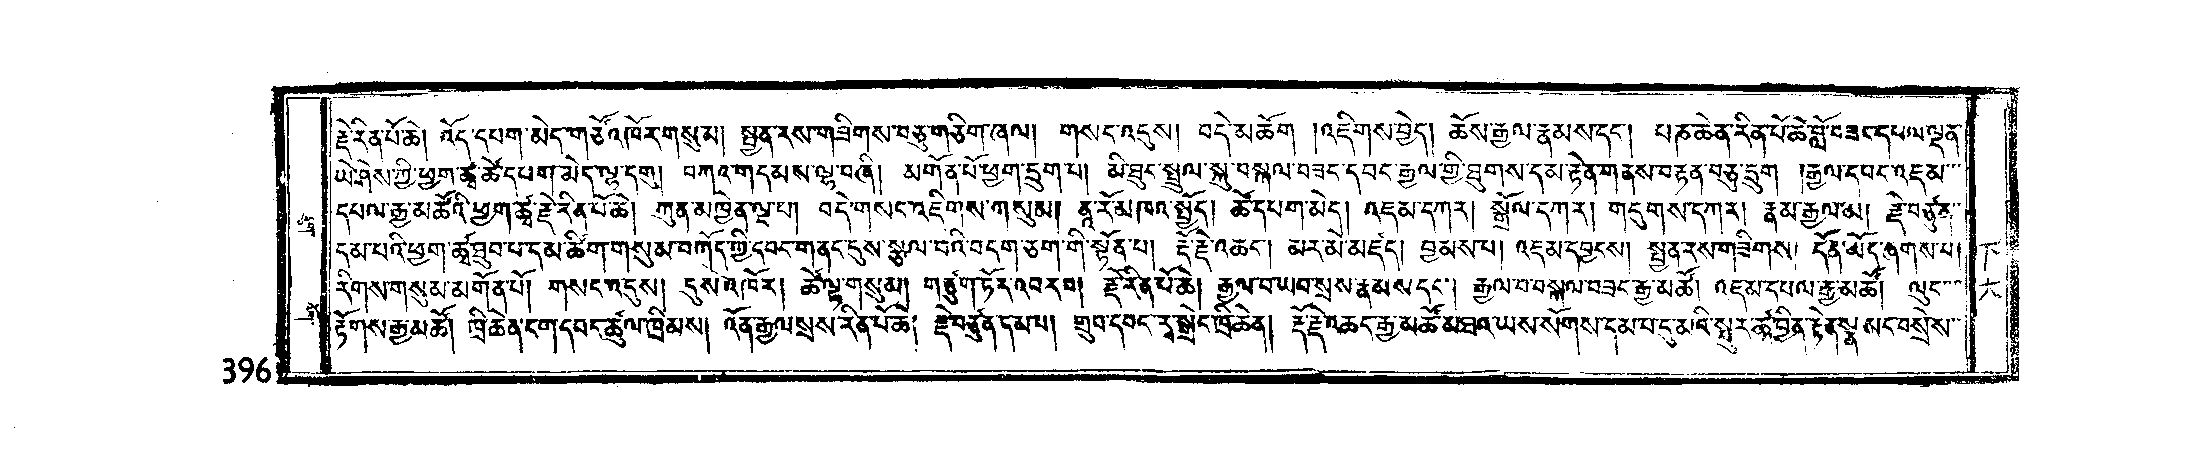རྗེ་རིན་པོ་ཆེ། འོད་དཔག་མེད་གཙོ་འཁོར་གསུམ། སྤྱན་རས་གཟིགས་བཅུ་གཅིག་ཞལ། གསང་འདུས། བདེ་མཆོག་འཇིགས་བྱེད། ཆོས་རྒྱལ་རྣམས་དང་། པཎ་ཆེན་རིན་པོ་ཆེ་བློ་བཟང་དཔལ་ལྡན་
ཡེ་ཤེས་ཀྱི་ཕྱག་ཚྭ་ཚེ་དཔག་མེད་ལྷ་དགུ། བཀའ་གདམས་ལྷ་བཞི། མགོན་པོ་ཕྱག་དྲུག་པ། མི་ཐུང་སྤྲུལ་སྐུ་བསྐལ་བཟང་དབང་རྒྱལ་གྱི་ཐུགས་དམ་རྟེན་གནས་བརྟན་བཅུ་དྲུག །རྒྱལ་དབང་འཇམ་
དཔལ་རྒྱ་མཚོའི་ཕྱག་ཚྭ་རྗེ་རིན་པོ་ཆེ། ཀུན་མཁྱེན་ལྔ་པ། བདེ་གསང་འཇིགས་གསུམ། ནཱ་རོ་མཁའ་སྤྱོད། ཚེ་དཔག་མེད། འཇམ་དཀར། སྒྲོལ་དཀར། གདུགས་དཀར། རྣམ་རྒྱལ་མ། རྗེ་བཙུན་
དམ་པའི་ཕྱག་ཚྭ་ཐུབ་པ་དམ་ཚིག་གསུམ་བཀོད་ཀྱི་དབང་གནང་དུས་སྩལ་བའི་བདག་ཅག་གི་སྟོན་པ། རྡོ་རྗེ་འཆང་། མར་མེ་མཛད། བྱམས་པ། འཇམ་དབྱངས། སྤྱན་རས་གཟིགས། དོན་མོད་ཞགས་པ།
རིགས་གསུམ་མགོན་པོ། གསང་འདུས། དུས་འཁོར་ཚེ་ལྟ་གསུམ། གཙུག་ཏོར་འབར་བ། རྗེ་རིན་པོ་ཆེ། རྒྱལ་བ་ཡབ་སྲས་རྣམས་དང་། རྒྱལ་བ་བསྐལ་བཟང་རྒྱ་མཚོ། འཇམ་དཔལ་རྒྱ་མཚོ། ལུང་
རྟོགས་རྒྱ་མཚོ། ཁྲི་ཆེན་ངག་དབང་ཚུལ་ཁྲིམས། འོན་རྒྱལ་སྲས་རིན་པོ་ཆེ། རྗེ་བཙུན་དམ་པ། གྲུབ་དབང་རྭ་སྒྲེང་ཁྲི་ཆེན། རྡོ་རྗེ་འཆང་རྒྱ་མཚོ་མཐའ་ཡས་སོགས་དམ་པ་དུ་མའི་སྦུར་ཚྭ་བྱིན་རྟེན་སྣ་མང་བསྲེས་